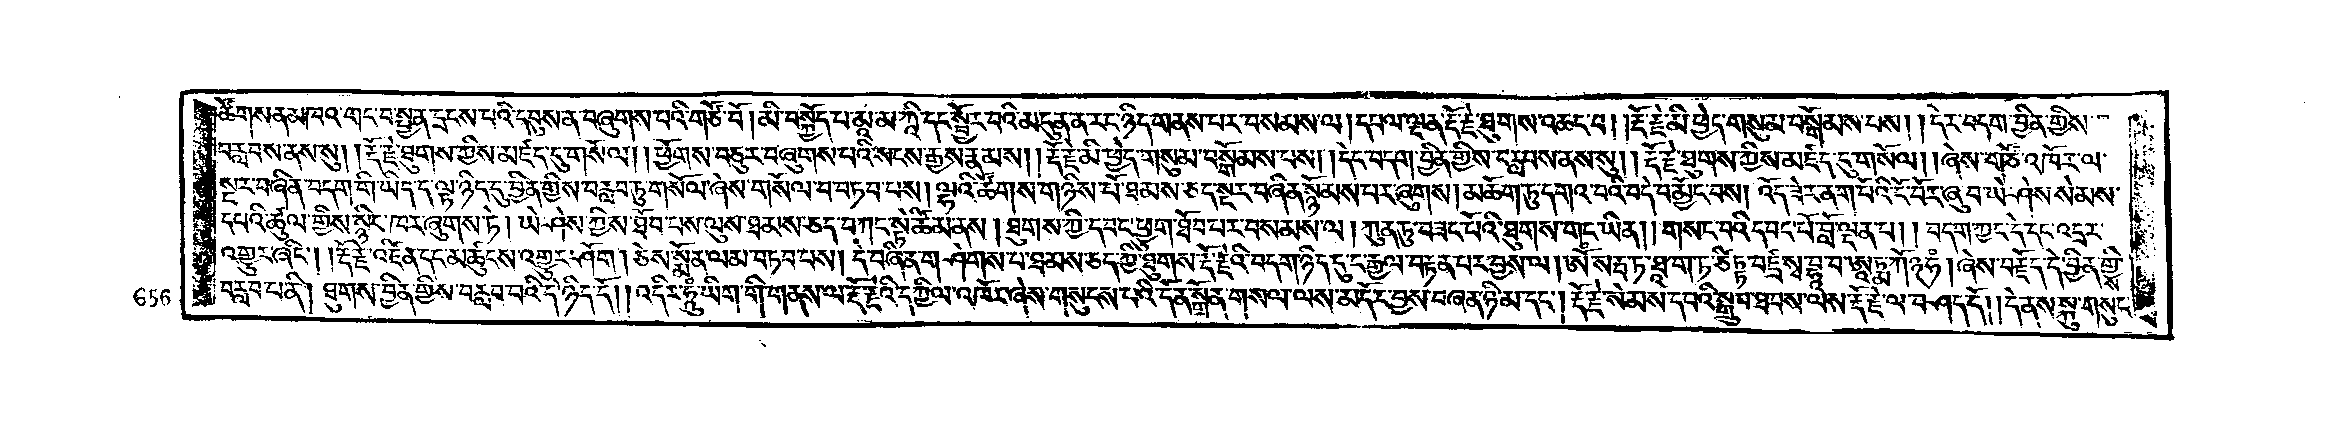ཚོགས་ནམ་མཁའ་གང་བ་སྤྱན་དྲངས་པའི་དབུས་ན་བཞུགས་པའི་གཙོ་བོ། མི་བསྐྱོད་པ་མཱ་མ་ཀཱི་དང་སྦྱོར་བའི་མདུན་ན་རང་ཉིད་གནས་པར་བསམས་ལ། དཔལ་ལྡན་རྡོ་རྗེ་ཐུགས་འཆང་བ། །རྡོ་རྗེ་མི་ཕྱེད་གསུམ་བསྒོམས་པས། །དེར་བདག་བྱིན་གྱིས་
བརླབས་ནས་སུ། །རྡོ་རྗེ་ཐུགས་ཀྱིས་མཛད་དུ་གསོལ། །ཕྱོགས་བཅུར་བཞུགས་པའི་སངས་རྒྱས་རྣམས། །རྡོ་རྗེ་མི་ཕྱེད་གསུམ་བསྒོམས་པས། །དེང་བདག་བྱིན་གྱིས་བརླབས་ནས་སུ། །རྡོ་རྗེ་ཐུགས་ཀྱིས་མཛད་དུ་གསོལ། །ཞེས་གཙོ་འཁོར་ལ་
སྔར་བཞིན་བདག་གི་ཡིད་ད་ལྟ་ཉིད་དུ་བྱིན་གྱིས་བརླབ་ཏུ་གསོལ་ཞེས་གསོལ་བ་བཏབ་པས། ལྷའི་ཚོགས་གཉིས་པོ་ཐམས་ཅད་སྔར་བཞིན་སྙོམས་པར་ཞུགས། མཆོག་ཏུ་དགའ་བའི་བདེ་བ་མྱོང་བས། འོད་ཟེར་ནག་པོའི་ངོ་བོར་ཞུ་བ་ཡེ་ཤེས་སེམས་
དཔའི་ཚུལ་གྱིས་སྙིང་ཁར་ཞུགས་ཏེ། ཡེ་ཤེས་ཀྱི་ས་ཐོབ་པས་ལུས་ཐམས་ཅད་བཀང་སྟེ་ཚིམ་ནས། ཐུགས་ཀྱི་དབང་ཕྱུག་ཐོབ་པར་བསམས་ལ། ཀུན་ཏུ་བཟང་པོའི་ཐུགས་གང་ཡིན། །གསང་བའི་དབང་པོ་བློ་ལྡན་པ། །བདག་ཀྱང་དེ་དང་འདྲར་
འགྱུར་ཞིང་། །རྡོ་རྗེ་འཛིན་དང་མཚུངས་འགྱུར་ཤོག །ཅེས་སྨོན་ལམ་བཏབ་པས། དེ་བཞིན་གཤེགས་པ་ཐམས་ཅད་ཀྱི་ཐུགས་རྡོ་རྗེའི་བདག་ཉིད་དུ་ང་རྒྱལ་བརྟན་པར་བྱས་ལ། ཨོཾ་སརྦ་ཏ་ཐཱ་ག་ཏ་ཙིཏྟ་བཛྲ་སྭ་བྷཱ་བ་ཨཱ་ཏྨ་ཀོཉ་ཧཾ། ཞེས་བརྗོད་དེ་བྱིན་གྱིས་
བརླབ་པ་ནི། ཐུགས་བྱིན་གྱིས་བརླབ་པའི་དེ་ཉིད་དོ། །འདིར་ཧཱུཾ་ཡིག་གི་གནས་ལ་རྡོ་རྗེའི་དཀྱིལ་འཁོར་ཞེས་གསུངས་པའི་དོན་སྒྲོན་གསལ་ལས་མདོར་བྱས་བཞིན་ཉི་མ་དང་། རྡོ་རྗེ་སེམས་དཔའི་སྒྲུབ་ཐབས་ལས་རྡོ་རྗེ་ལ་བཤད་དོ། །དེ་ནས་སྐུ་གསུང་